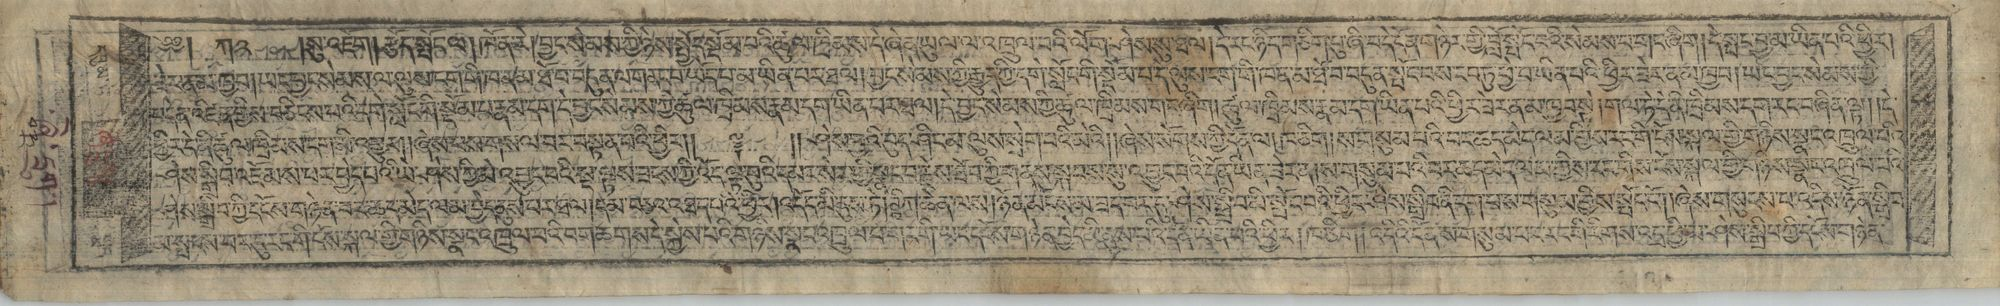༄༅། །སུ་འཇོག །རྩོད་སྤོང་ལ། ཁོ་ན་རེ། བྱང་སེམས་ཀྱི་ཉེས་སྤྱོད་སྡོམ་པའི་ཚུལ་ཁྲིམས་དེ་ཞེན་ཡུལ་ལ་འཁྲུལ་པའི་ལོག་ཤེས་སུ་ཐལ། དེ་རང་ཉིད་གཅིག་པུ་ཞི་བདེ་དོན་གཉེར་གྱི་བློ་སྤོང་བའི་སེམས་པ་གང་ཞིག །དེ་སྤང་བྱ་མ་ཡིན་པའི་ཕྱིར།
ཟེར་ན་མ་ཁྱབ། ཡང་བྱང་སེམས་ལ་ལུས་ངག་གི་ཁ་ན་མ་ཐོ་བ་བདུན་ལ་གནང་བ་ཡོད་པ་མ་ཡིན་པར་ཐལ། བྱང་སེམས་ཀྱི་རྒྱུད་ཀྱི་དགེ་སློང་གི་སྡོམ་པ་དེ་ལུས་ངག་གི་ཁ་ན་མ་ཐོ་བ་བདུན་སྤོང་བས་རབ་ཏུ་ཕྱེ་བ་ཡིན་པའི་ཕྱིར་ཟེར་ན་མ་ཁྱབ། ཡང་བྱང་སེམས་ཀྱི་
བདེན་འཛིན་གྱིས་བཅིངས་པའི་དགེ་སློང་གི་སྡོམ་པ་རྣམ་དག་དེ་བྱང་སེམས་ཀྱི་ཚུལ་ཁྲིམས་རྣམ་དག་ཡིན་པར་ཐལ། དེ་བྱང་སེམས་ཀྱི་ཚུལ་ཁྲིམས་གང་ཞིག །ཚུལ་ཁྲིམས་རྣམ་དག་ཡིན་པའི་ཕྱིར་ཟེར་ན་མ་ཁྱབ་སྟེ། གལ་ཏེ་དེ་ནི་ཁྲིམས་དག་རང་བཞིན་ལྟ། །དེ་
ཕྱིར་དེ་ནི་ཚུལ་ཁྲིམས་དག་མི་འགྱུར། །ཞེས་པས་གསལ་བར་བསྟན་པའི་ཕྱིར།། ༈ །།ཤེས་བྱའི་བུད་ཤིང་མ་ལུས་སྲེག་པའི་མེའི། །ཞེས་སོགས་ཀྱི་དོན་ལ། ཁ་ཅིག །ས་གསུམ་པའི་བར་ཆད་མེད་ལམ་གྱིས་རང་གི་ངོས་སྐལ་གྱི་གཉིས་སྣང་འཁྲུལ་པའི་
ཤེས་སྒྲིབ་འཇོམས་པར་བྱེད་པའི་ཡེ་ཤེས་ཀྱི་མེ་འབྱུང་བའི་སྔ་ལྟས་ཟངས་ཀྱི་འོད་ལྟ་བུའི་དམར་སེར་གྱི་སྣང་བ་རྗེས་ཐོབ་ཀྱི་གནས་སྐབས་སུ་འབྱུང་བའི་དོན་ཡིན་ཟེར་ན། ས་གསུམ་པའི་བར་ཆད་མེད་ལམ་གྱིས་རང་གི་ངོས་སྐལ་གྱི་གཉིས་སྣང་འཁྲུལ་པའི་
ཤེས་སྒྲིབ་ཀྱི་དངོས་གཉེན་བར་ཆད་མེད་ལམ་བྱེད་ནུས་པར་ཐལ། དམ་བཅའ་འཐད་པའི་ཕྱིར། འདོད་མི་ནུས་ཏེ། ཊཱིཀ་ཆེན་ལས། ཉོན་མོངས་མ་ཟད་པར་དུ་ཤེས་སྒྲིབ་མི་སྤོང་བའི་ཕྱིར་ཤེས་སྒྲིབ་ནི་དག་པ་ས་གསུམ་གྱིས་སྤོང་ངོ། །ཞེས་གསུངས་པ་འདིས་ཉོན་སྒྲིབ་
མ་སྤངས་པར་དུ་རང་གི་ངས་སྐལ་གྱི་གཉིས་སྣང་འཁྲུལ་པའི་བག་ཆགས་དེ་སྐྱེས་པའི་གཉིས་སྣང་འཁྲུལ་པ་གང་གི་ཡང་དངོས་གཉེན་བྱེད་མི་ནུས་པའི་དོན་ཡིན་པའི་ཕྱིར། ཁ་ཅིག །འདིའི་དོན་ས་གསུམ་པར་རང་གི་རིགས་འདྲ་ཕྱི་མ་ཤེས་སྒྲིབ་ཀྱི་དངོས་གཉེན་